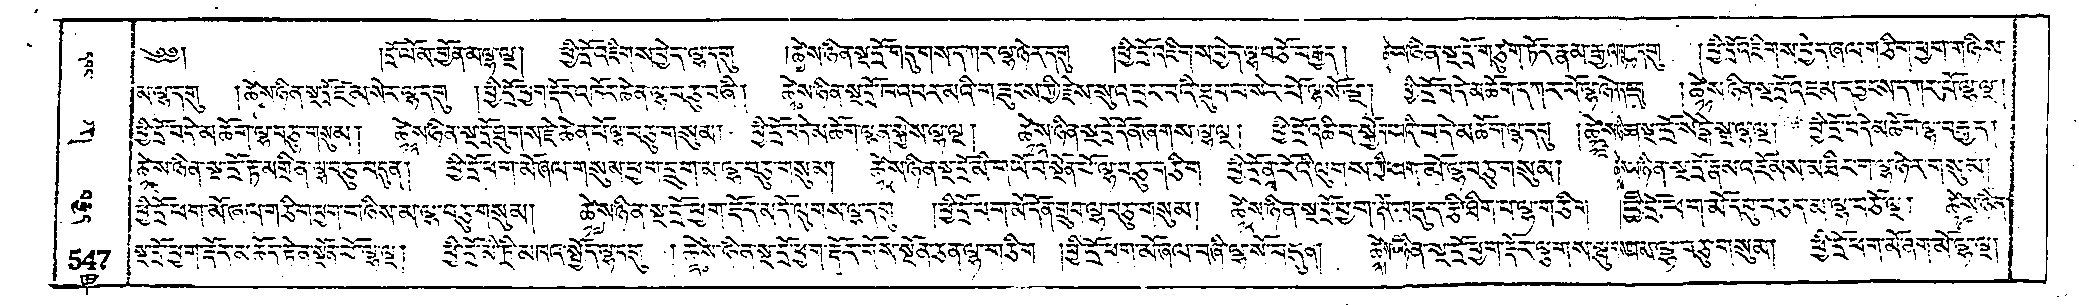༄༅། །དྲོ་ལོ་མ་གྱོན་མ་ལྷ་ལྔ། ཕྱི་དྲོ་འཇིགས་བྱེད་ལྷ་དགུ །ཚེས ༧་ཉིན་སྔ་དྲོ་གདུགས་དཀར་ལྷ་ཉེར་དགུ །ཕྱི་དྲོ་འཇིགས་བྱེད་ལྷ་བཅོ་བརྒྱད། ཚེས ༨་ཉིན་སྔ་དྲོ་གཙུག་ཏོར་རྣམ་རྒྱལ་ལྷ་དགུ །ཕྱི་དྲོ་འཇིགས་བྱེད་ཞལ་གཅིག་ཕྱག་གཉིས་
མ་ལྷ་དགུ །ཚེས ༩་ཉིན་སྔ་དྲོ་ཛམ་སེར་ལྷ་དགུ །ཕྱི་དྲོ་ཕྱག་རྡོར་འཁོར་ཆེན་ལྷ་བཅུ་བཞི། ཚེས ༡༠་ཉིན་སྔ་དྲོ་ཁ་འབར་མའི་གཟུངས་ཀྱི་རྗེས་སུ་འབྲང་བའི་ཐུབ་པ་སེར་བོ་ལྷ་སོ་ལྔ། ཕྱི་དྲོ་བདེ་མཆོག་དཀར་པོ་ལྷ་ཉེར་དགུ །ཚེས ༡༡་ཉིན་སྔ་དྲོ་འཇམ་དབྱངས་དཀར་པོ་ལྷ་ལྔ།
ཕྱི་དྲོ་བདེ་མཆོག་ལྷ་བཅུ་གསུམ། ཚེས ༡༢་ཉིན་སྔ་དྲོ་ཐུགས་རྗེ་ཆེན་པོ་ལྷ་བཅུ་གསུམ། ཕྱི་དྲོ་བདེ་མཆོག་ལྷན་སྐྱེས་ལྷ་ལྔ། ཚེས ༡༣་ཉིན་སྔ་དྲོ་དོན་ཞགས་ལྷ་ལྔ། ཕྱི་དྲོ་འཆི་བ་སྐྱོབ་པའི་བདེ་མཆོག་ལྷ་དགུ །ཚེས ༡༣ ༡༣་ཉིན་སྔ་དྲོ་སེངྒེ་སྒྲ་ལྷ་ལྔ། ཕྱི་དྲོ་བདེ་མཆོག་ལྷ་བརྒྱད།
ཚེས ༡༤་ཉིན་སྔ་དྲོ་རྟ་མགྲིན་ལྷ་བཅུ་བདུན། ཕྱི་དྲོ་ཕག་མོ་ཞལ་གསུམ་ཕྱག་དྲུག་མ་ལྷ་བཅུ་གསུམ། ཚེས ༡༥་ཉིན་སྔ་དྲོ་མི་གཡོ་བ་སྔོན་པོ་ལྷ་བཅུ་གཅིག་ཕྱི་དྲོ་ན་རོའི་ལུགས་ཀྱི་ཕག་མོ་ལྷ་བཅུ་གསུམ། ཚེས ༡༦་ཉིན་སྔ་དྲོ་རྣམ་འཇོམས་མཐིང་ག་ལྷ་ཉེར་གསུམ།
ཕྱི་དྲོ་ཕག་མོ་ཞལ་གཅིག་ཕྱག་གཉིས་མ་ལྷ་བཅུ་གསུམ། ཚེས ༡༧་ཉིན་སྔ་དྲོ་ཕྱག་རྡོར་མདོ་ལུགས་ལྷ་དགུ །ཕྱི་དྲོ་ཕག་མོ་དོན་གྲུབ་ལྷ་བཅུ་གསུམ། ཚེས ༡༨་ཉིན་སྔ་དྲོ་ཕྱག་རྡོར་བདུད་རྩི་ཐིག་པ་ལྷ་གཅིག །ཕྱི་དྲོ་ཕག་མོ་དབུ་བཅད་མ་ལྷ་བཅོ་ལྔ། ཚེས ༡༩་ཉིན་
སྔ་དྲོ་ཕྱག་རྡོར་མཆོད་རྟེན་སྔོན་པོ་ལྷ་ལྔ། ཕྱི་དྲོ་མི་ཏྲི་མཁའ་སྤྱོད་ལྷ་དགུ །ཚེས ༢༠་ཉིན་སྔ་དྲོ་ཕྱག་རྡོར་གོས་སྔོན་ཅན་ལྷ་གཅིག །ཕྱི་དྲོ་ཕག་མོ་ཞལ་བཞི་ལྷ་སོ་བདུན། ཚེས ༢༡་ཉིན་སྔ་དྲོ་ཕྱག་རྡོར་ལྕགས་སྤུགས་མ་ལྷ་བཅུ་གསུམ། ཕྱི་དྲོ་ཕག་མོ་ནག་མོ་ལྷ་ལྔ།